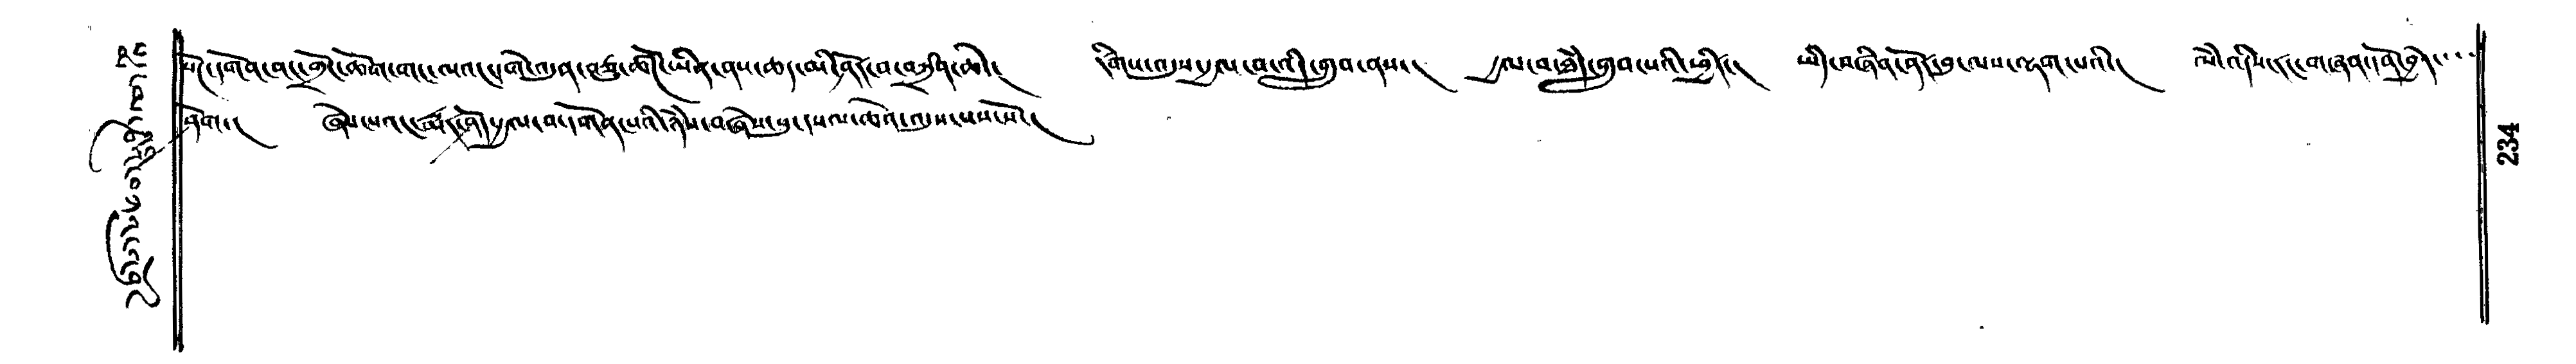སོགས་དགོན་ནང་དང་གྲོང་ཆོག་གང་ལའང་དགེ་འདུན་བཅུ་ཚོགས་ཡིན་ནས་བཟུང་ཆད་མི་ཤོར་བ་བཀའ་དྲིན་ཆེ། རིགས་འདུས་རྒྱལ་བ་འདི་འགྲུབ་ན། །རྒྱལ་བ་ཐམས་ཅད་འགྲུབ་པའི་ཕྱིར། །ཡིད་བཞིན་ནོར་བུ་ལས་ལྷག་པའི། །ལམ་འདིས་རང་གཞན་དོན་བྱེད་
ཤོག །ཅེས་པའང་རྨར་ཤོད་རྒྱལ་བ་དགོན་པའི་ཉམས་བཞེས་སུ་དཔལ་ཆེན་འདུས་པས་སོ།། དགེའོ།